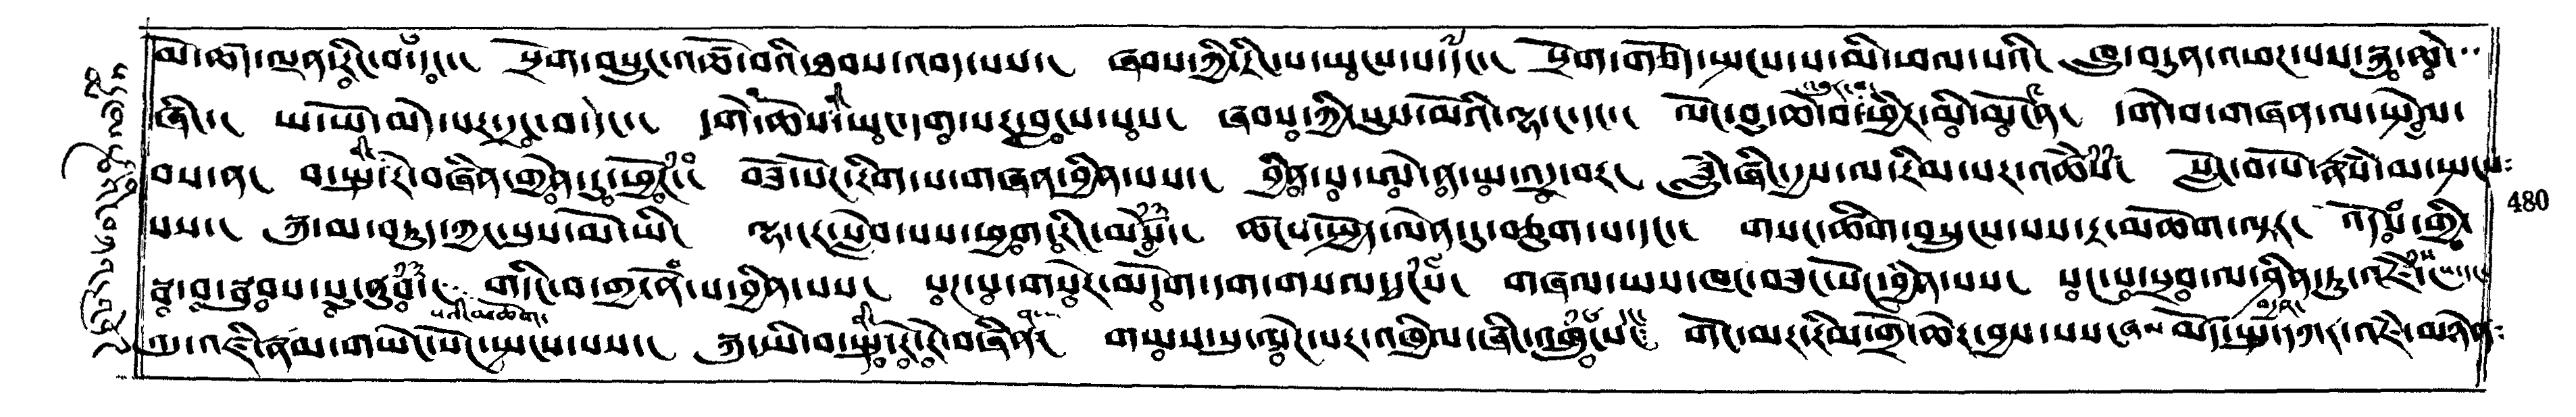མོ་ཚད་ལྡན་རིང་བ་དང་། །སྲོག་བསྲུང་འཚོ་བའི་ཐབས་འབད་པས། །ཞབས་ཀྱི་རྟིང་པ་ཡངས་པ་དང་། །སྲོག་གཅོད་སྤངས་པ་མི་ཕལ་པའི། ཁྲུ་བདུན་འཕགས་པས་སྐུ་ཆེ་
ཞིང་། །ཡ་ཡོ་མེད་པར་དྲང་བ་དང་། །དགེ་ཆོས་ཡང་དག་པར་བླངས་པས། །ཞབས་ཀྱི་པུས་མོའི་ལྷ་ང་དང་། །ལོང་བུ་ཆེ་བ་འབུར་བ་ཕྱིར་མི་མངོན། །དགེ་བ་གཞན་ལ་སྤེལ་
བས་ན། །བ་སྤུ་རེ་བཞིན་གྱེན་དུ་ཕྱོགས། །བཟོ་སོགས་རིག་པ་གཞན་བྱིན་པས། །བྱིན་པ་ཨེ་ན་ཡ་འདྲ་བར། །ཟླུམ་ཞིང་རྒྱས་ལ་རིམ་པར་འཚམས། །སློང་བ་པོ་རྣམས་མ་སྤངས་
པས། །སྐུ་མ་བཏུད་ཀྱང་པུས་མོ་ཡི། །ལྷ་ངར་སླེབ་པས་ཕྱག་རིང་མཛེས། །ཚངས་སྤྱོད་ལེན་དུ་བཅུག་པ་དང་། །གསང་ཚིག་བསྲུངས་པས་རྟ་མཆོག་ལྟར། །འདོམས་གྱི་
སྦ་བ་སྦུབས་སུ་ནུབ།། པའི་མཆོག གདིང་བ་གྱ་ནོམ་པ་བྱིན་པས། །པགས་པ་གསེར་མདོག་དག་གསལ་དྭངས། །གཞལ་ཡས་ཁང་བཟང་སོགས་བྱིན་པས། །པགས་པ་སྲབ་ལ་ཤིན་ཏུ་འཇམ་དང་། །
འདུ་འཛི་རྣམ་གཡེང་སོགས་སྤངས་པས། །སྐུ་ཡི་བ་སྤུ་རེ་རེ་བཞིན། །གཡས་སུ་ལེགས་པར་འཁྱིལ་ཞིང་འཁྲུངས། །གོང་མར་རིམ་གྲོ་ཆེར་བྱས་པས། །མཛོད་སྤུ་དཀར་འཇམ་མཉེན་